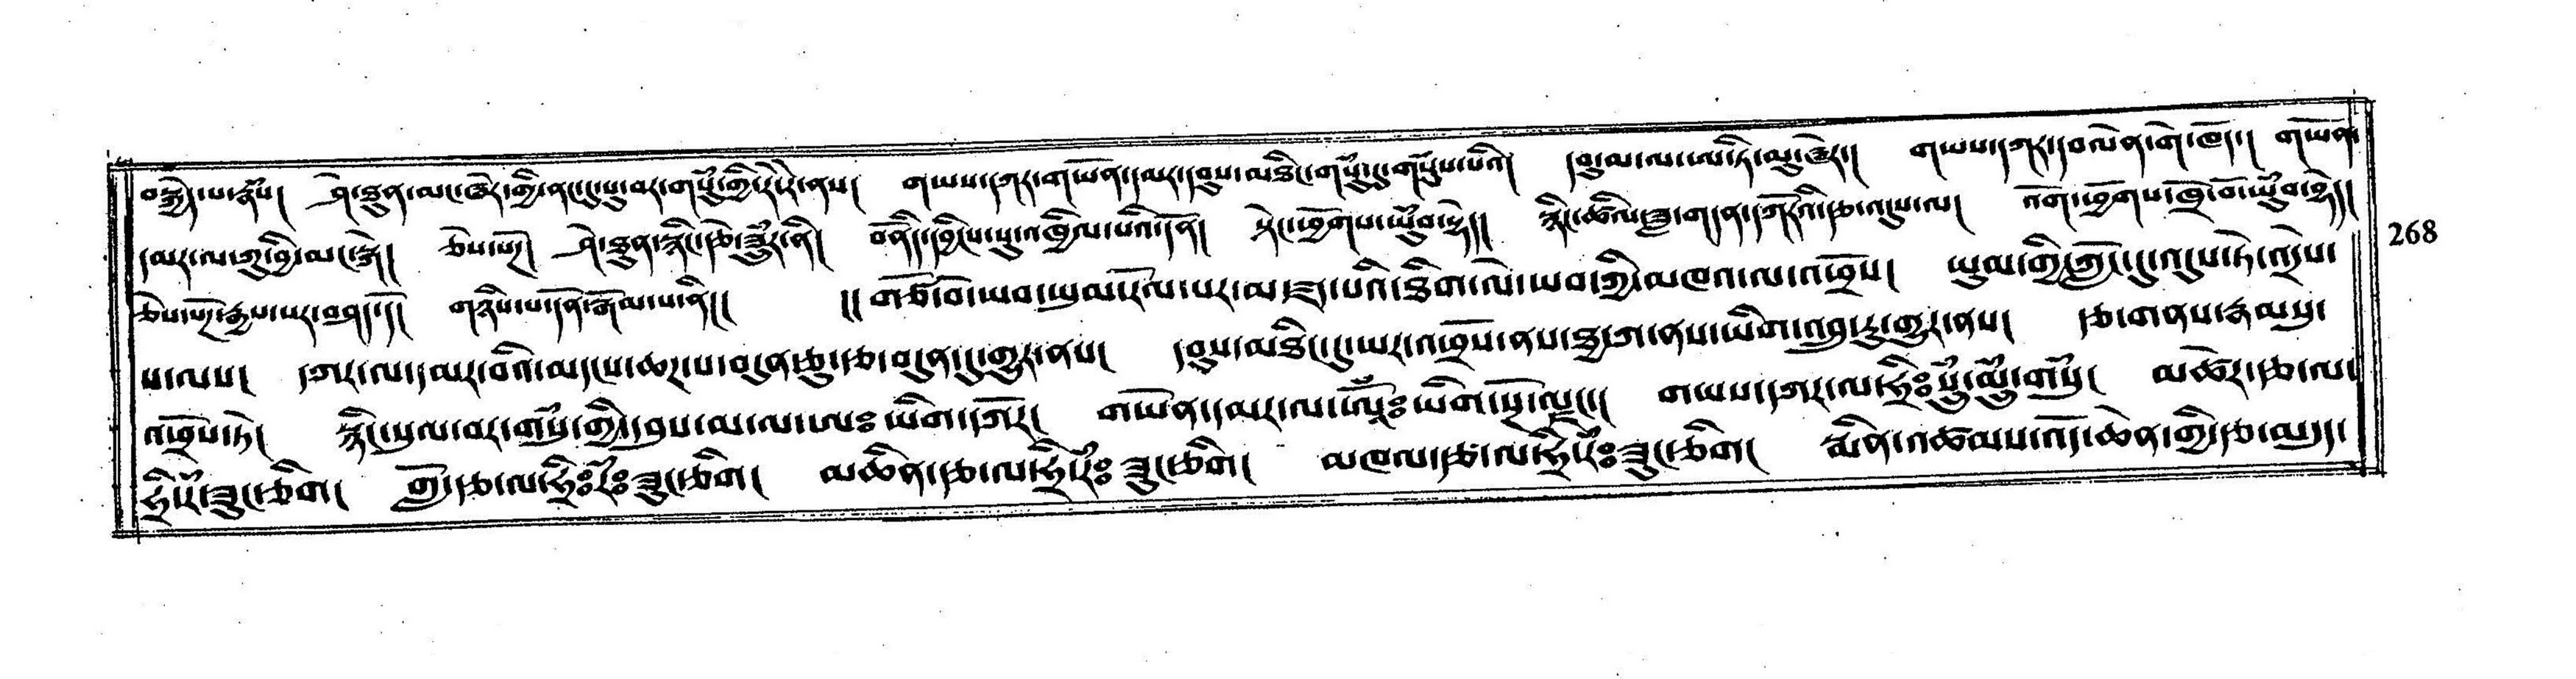བསྐྱེད་པ་རྣམས། ཤེ་ཐུན་མང་ཝེར་གྱི་ནང་དུ་སུ་བར་གསུམ་གྱི་རེ་རེ་ནས། གཡས་དཀར་གཡོན་དམར་དབུས་མཐིང་གསུམ་དུ་གསུམ་པའི། དབུ་མ་ལ་ཨ་ཏི་མུ་ཝེར། གཡས་དཀར་དབལ་ཆེན་གེ་ཁོད། གཡོན་
དམར་ལ་ཀུ་བྱི་མང་སྐེ། ཅེས་སོགས། ཤེ་ཐུན་སྙིང་རྩེ་ཟུར་གསུམ་ནི། བོན་ཉིད་དབྱིངས་སུ་འཁྱིལ་པའི་དོན། སྟེང་ཕྱོགས་ཡབ་ཡུམ་བསྐྱེད།། སྙིང་ཚིལ་ཟླ་གདན་དཀར་པོའི་རྩ་འདུས་ལ། འོག་ཕྱོགས་ཁྲོ་བོ་ཡབ་ཡུམ་བསྐྱེད། 
ཅེས་སོགས་རྒྱས་པར་བཤད་དོ། །གཉིས་པ་དོན་སྒོམ་པ་ནི།། གཙོ་བོ་ཡབ་ཡུམ་རོལ་པར་མཛད་པའི་ཐིག་ལེ་ཡབ་ཀྱི་མཁའ་ལ་འཕྲོས། ཡུམ་གྱི་ཀློང་དུ་འདུས་ཏེ་འདྲེས་
པ་ལས། དཀར་ལ་དམར་བའི་མདངས་ཆགས་པ་བདུན་ཅུ་རྩ་བདུན་དུ་གྱུར་ནས། དབུས་མཐིང་དུ་ཡར་འཕྲོས་ནས་ཐུགས་ཀ་ནས་ཡིག་འབྲུ་རུ་གྱུར་ནས། རྩ་གནས་རྣམས་སུ་
འཕྲོས་ཏེ། སྙིང་སུལ་བར་གསུམ་གྱི་དབུས་མ་ལ་ཨཿཡིག་དཀར་པོ། གཡོན་དམར་ལ་ཨཱོཾ་ཡིག་སྔོ་ལྗང་། གཡས་དཀར་ལ་ཧྲིཿསྲུཾ་མུཾ་གསུམ། མཚེར་རྩ་ལ་
ཧྲི་རཾ་ཟུང་ཅིག གློ་རྩ་ལ་ཧྲིཿརཾཿཟུང་ཅིག མཆིན་རྩ་ལ་ཧྲི་རཾཿཟུང་ཅིག མཁལ་རྩ་ལ་ཧྲི་རཾཿཟུང་ཅིག སྨིན་འཚམས་འོད་ཆེན་གྱི་རྩ་མདུད་